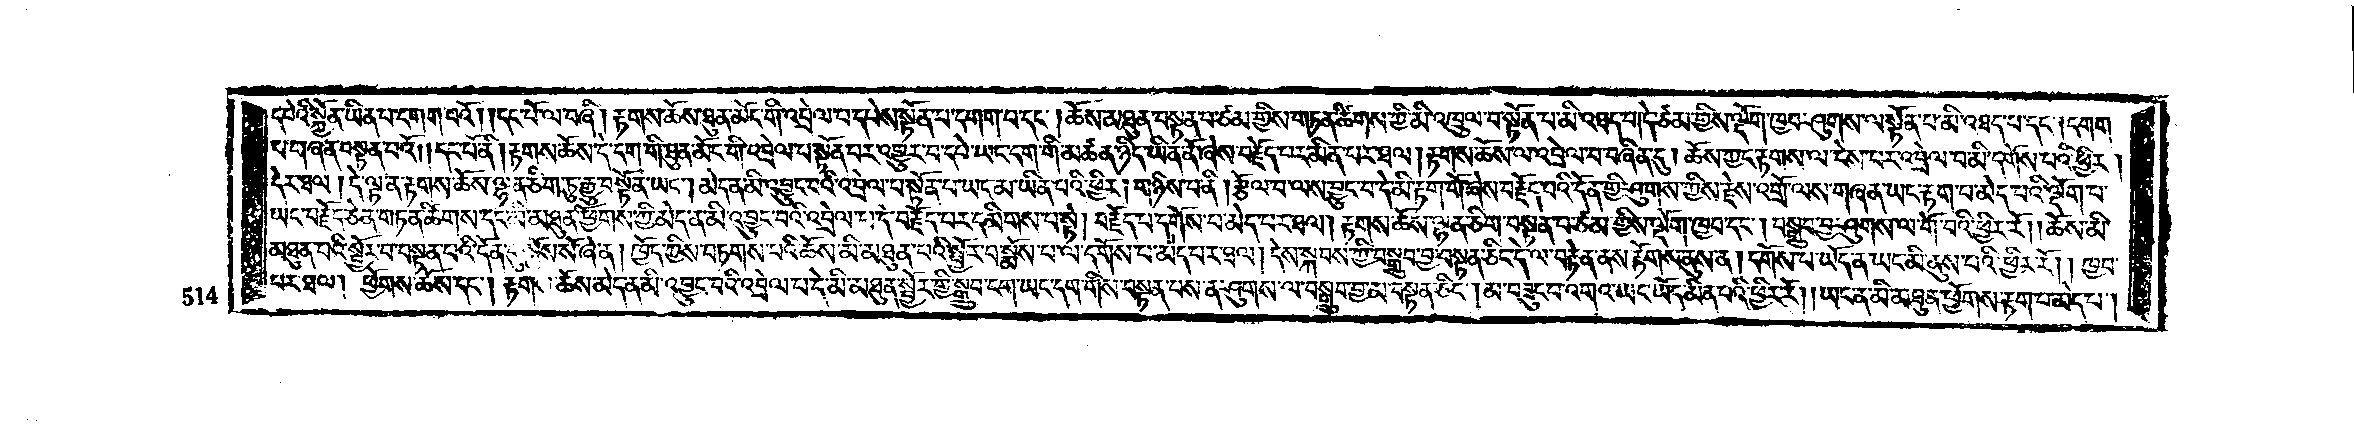དཔེའི་སྐྱོན་ཡིན་པ་དགག་པའོ། །དང་པོ་ལ་བཞི། རྟགས་ཆོས་ཐུན་མོང་གི་འབྲེལ་པ་དཔེས་སྟོན་པ་དགག་པ་དང་། ཆོས་མཐུན་བསྟན་པ་ཙམ་གྱིས་གཏན་ཚིགས་ཀྱི་མི་འཁྲུལ་པ་སྟོན་པ་མི་འཐད་པ། དེ་ཙམ་གྱིས་ལྡོག་ཁྱབ་ཤུགས་ལ་སྟོན་པ་མི་འཐད་པ་དང་། དགག་
པ་གཞན་བསྟན་པའོ། །རྟགས་ཆོས་དེ་དག་གི་ཐུན་མོང་གི་འབྲེལ་པ་སྟོན་པར་འགྱུར་བ་དཔེ་ཡང་དག་གི་མཚན་ཉིད་ཡིན་ནོ་ཞེས་བརྗོད་པར་མིན་པར་ཐལ། རྟགས་ཆོས་ལ་འབྲེལ་པ་བཞིན་དུ། ཆོས་ཀྱང་རྟགས་ལ་ངེས་པར་འབྲེལ་པ་མི་དགོས་པའི་ཕྱིར།
དེ་ཐལ། དེ་ལྟ་ན་རྟགས་ཆོས་ལྷན་ཅིག་ཏུ་རྒྱུ་བ་སྟོན་ཡང་། མེད་ན་མི་འབྱུང་བའི་འབྲེལ་པ་སྟོན་པ་ཡང་མ་ཡིན་པའི་ཕྱིར། གཉིས་པ་ནི། རྩོལ་བ་ལས་བྱུང་བ་དེ་མི་རྟག་གོ་ཞེས་བརྗོད་པའི་དོན་གྱི་ཤུགས་ཀྱིས་རྗེས་འགྲོ་ལས་གཞན་ཡང་རྟག་པ་མེད་པའི་ལྡོག་པ་
ཡང་བརྗོད་ཅེན་གཏན་ཚིགས་དང་མི་མཐུན་ཕྱོགས་ཀྱི་མེད་ན་མི་འབྱུང་བའི་འབྲེལ་པ་དེ་བརྗོད་པར་དམིགས་པ་སྟེ། བརྗོད་པ་དགོས་པ་མེད་པར་ཐལ། རྟགས་ཆོས་ལྷན་ཅིག་བསྟན་པ་ཙམ་གྱིས་ལྡོག་ཁྱབ་དང་། བསྒྲུབ་བྱ་ཤུགས་ལ་གོ་བའི་ཕྱིར་རོ། །ཆོས་མི་
མཐུན་པའི་སྦྱོར་བ་བསྟན་པའི་དོན་དུ་སྨོས་སོ་ཞེ་ན། ཁྱོད་ཀྱིས་བཏགས་པའི་ཆོས་མི་མཐུན་པའི་སྦྱོར་བ་སྨོས་པ་ལ་དགོས་པ་མེད་པར་ཐལ། །དེས་སྐབས་ཀྱི་བསྒྲུབ་བྱ་བསྟན་ཅིང་དེ་ལ་བརྟེན་ནས་རྟོགས་ནུས་ན། དགོས་པ་ཡོད་ན་ཡང་མི་ནུས་པའི་ཕྱིར་རོ། །ཁྱབ་
པར་ཐལ། ཕྱོགས་ཆོས་དང་། རྟགས་ཆོས་མེད་ན་མི་འབྱུང་བའི་འབྲེལ་པ་དེ་མི་མཐུན་སྦྱོར་གྱི་སྒྲུབ་ངག་ཡང་དག་གིས་བསྟན་པས་ན་ཤུགས་ལ་བསྒྲུབ་བྱ་མ་བསྟན་ཅིང་། མ་བཟུང་བ་འགའ་ཡང་ཡོད་མིན་པའི་ཕྱིར་རོ། །ཡང་ན་མི་མཐུན་ཕྱོགས་རྟག་པ་མེད་པ།